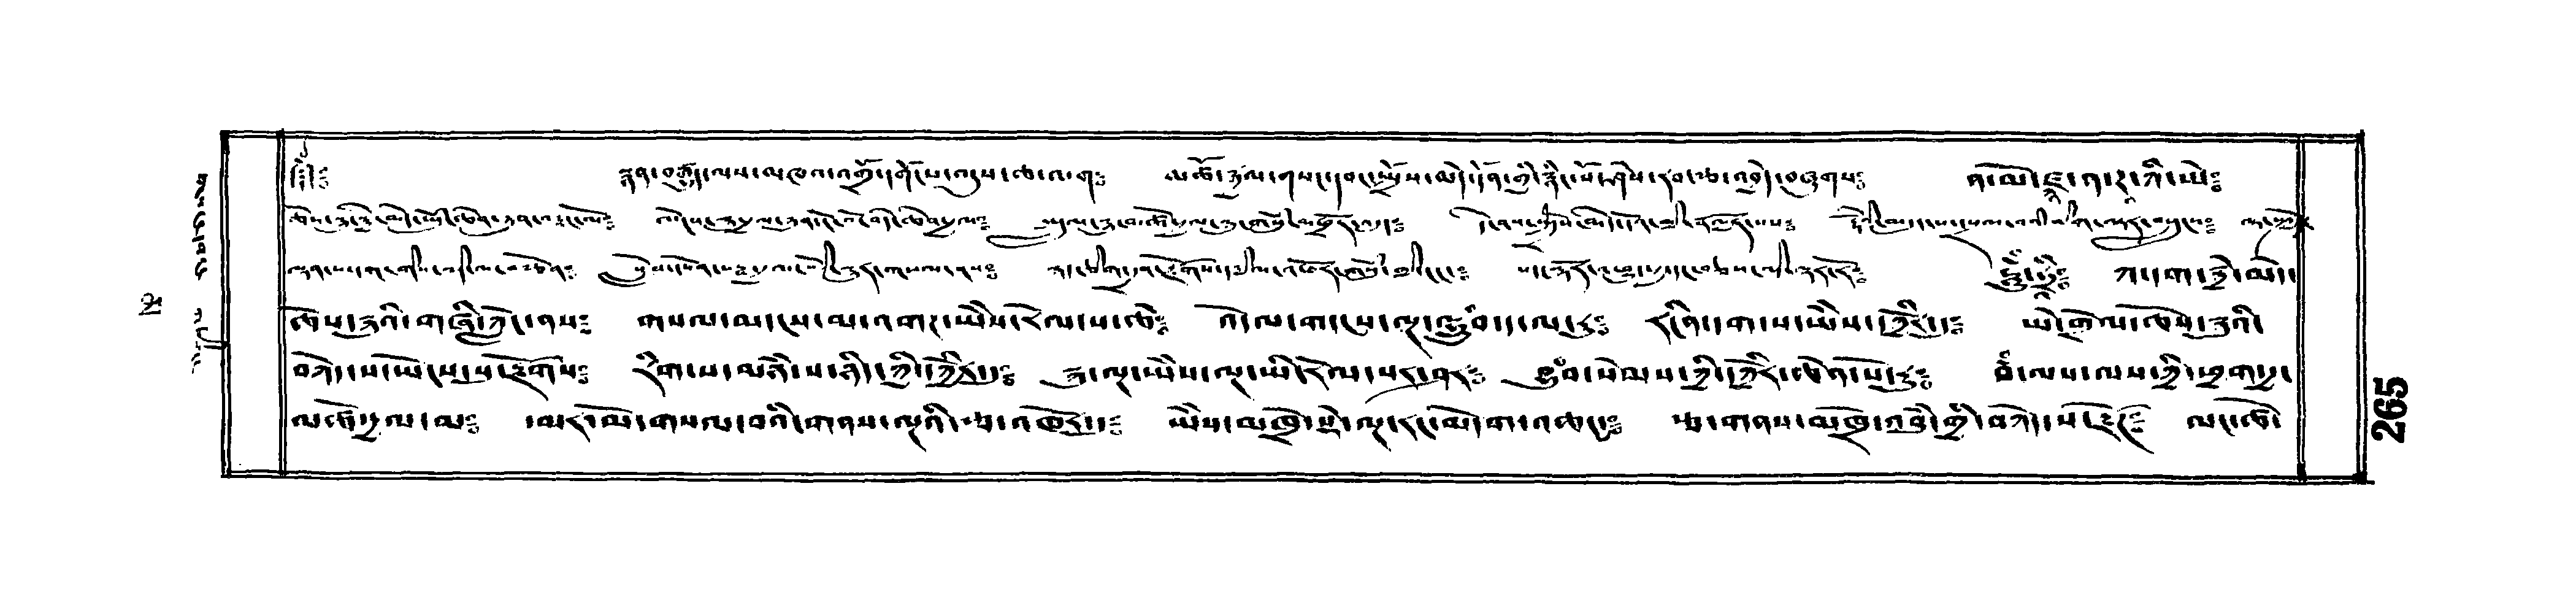སྙན་བརྒྱུད་ལས་མཁའ་འགྲོ་དགོངས་འདུས་ཆ་ལག༔ མཚོ་རྒྱལ་གསང་དབང་སྤྲོས་མེད་དོན་གྱི་སྙིང་པོ་ཤེས་རབ་རྩ་འབྱེད་བཞུགས༔ ན་མོ་ཛྙཱ་ན་ཌཱ་ཀི་ཡེ༔ 
ཆོས་སྐུ་སྐྱེ་མེད་ཡུམ་ཆེན་ཀུན་བཟང་མོ༔ ལོངས་སྐུ་རྒྱལ་ཀུན་ངོ་བོ་བདེ་ཆེན་རྒྱལ༔ སྤྲུལ་སྐུ་མཚོ་རྒྱལ་སྐུ་གསུམ་མཁའ་འགྲོར་འདུད༔ དེ་ནས་སྤྲོས་མེད་དོན་གྱི་རྣལ་འབྱོར་པས༔ རྡོ་རྗེའི་མདུད་པ་དཔྲལ་བའི་མིག་ལྟར་བསྲུངས༔ ལྷ་སྤྱོད་
ལྡན་པ་དག་གིས་འདི་ལ་བརྩོན༔ སློབ་དཔོན་པདྨ་རྒྱལ་པོའི་སྐུར་གསལ་ནས༔ སྐད་ཅིག་དྲན་རྫོགས་དཀྱིལ་འཁོར་གསུམ་གྱི་ངང༔ པད་སྐོར་འཁྱུད་རྒྱ་དང་བཅས་འདི་ལྟར་རོ༔ ཧཱུྃ་ཧྲཱིཿ ཀ་དག་སྐྱེ་མེད་
ཆོས་སྐུའི་གཞི་ཀློང་ནས༔ གསལ་མདངས་མ་འགགས་ཡེ་ཤེས་རོལ་པ་ཆེ༔ འོད་གསལ་གདངས་ལྔ་ལྷུན་གྲུབ་ད་ལ་རུ༔ རང་བཞིན་དག་པ་ཡེ་ཤེས་དཀྱིལ་འཁོར་དུ༔ ཡེ་གྲོལ་ཆོས་སྐུའི་
བཀོད་པ་ཡོངས་སུ་རྫོགས༔ རིག་པ་མཉམ་པ་ཉིད་ཀྱི་དཀྱིལ་འཁོར་དུ༔ སྐུ་ལྔ་ཡེ་ཤེས་ལྔ་ཡི་རོལ་པར་ཤར༔ བྱང་ཆུབ་སེམས་ཀྱི་དཀྱིལ་འཁོར་ཆེན་པོ་རུ༔ བྃ་ལས་ལས་ཀྱི་ཕྱག་རྒྱ་
མཚོ་རྒྱལ་མ༔ དམར་མོ་གསལ་བའི་གནས་ལྔའི་རྩ་འཁོར་དུ༔ ཡེ་ཤེས་མཁའ་འགྲོ་སྡེ་ལྔ་རང་མདོག་འཆང༔ རྩ་གནས་མཁའ་འགྲོ་འབུམ་གྱི་བཀོད་པ་རྫོགས༔ ལང་ཚོ་